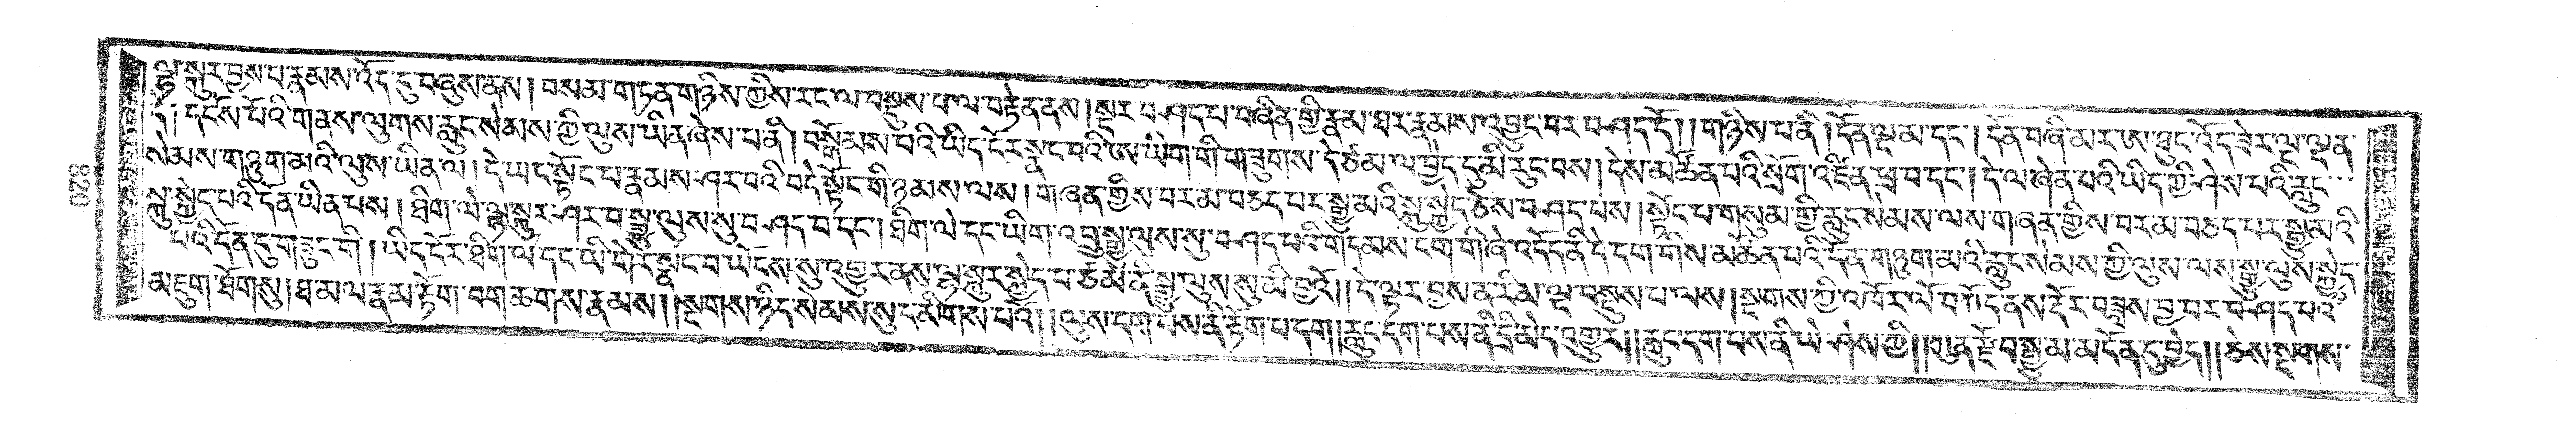ལྷ་སྐུར་བྱས་པ་རྣམས་འོང་དུ་བཞུས་ནས། བསམ་གཏན་གཉིས་ཀྱིས་རང་ལ་བསྡུས་པ་ལ་བརྟེན་ནས། སྔར་བཤད་པ་བཞིན་གྱི་རྣམ་ཐར་རྣམས་འབྱུང་བར་བཤད་དོ། །གཉིས་པ་ནི། དོན་ལྔ་མ་དང་། དོན་བཞི་མར་ཨ་ཐུང་འོད་ཟེར་ལྔ་ལྡན་
དེ། དངོས་པོའི་གནས་ལུགས་རླུང་སེམས་ཀྱི་ལུས་ཡིན་ཞེས་པ་ནི། བསྒོམས་པའི་ཡིད་ངོར་སྣང་བའི་ཨ་ཡིག་གི་གཟུགས་དེ་ཙམ་ལ་བྱེད་དུ་མི་རུང་བས། དེས་མཚོན་པའི་སྲོག་འཛིན་ཕྲ་བ་དང་། དེ་ལ་ཞེན་པའི་ཡིད་ཀྱི་ཤེས་པའི་རླུང་
སེམས་གཉུག་མའི་ལུས་ཡིན་ལ། དེ་ཡང་སྟོང་པ་རྣམས་ཤར་བའི་བདེ་སྟོང་གི་ཉམས་ལས། གཞན་གྱིས་བར་མ་བཅད་པར་སྒྱུ་མའི་སྐུ་སྐྱེད་ཅེས་བཤད་པས། སྟོང་པ་གསུམ་གྱི་རླུང་སེམས་ལས་གཞན་གྱིས་བར་མ་བཅད་པར་སྒྱུ་མའི་
སྐུ་སྐྱེད་པའི་དོན་ཡིན་པས། ཐིག་ལེ་ལྷ་སྐུར་ཤར་བ་སྒྱུ་ལུས་སུ་བཤད་པ་དང་། ཐིག་ལེ་དང་ཡིག་འབྲུ་སྒྱུ་ལུས་སུ་བཤད་པའི་གདམས་ངག་གི་ཞེ་འདོད་ནི་དེ་དག་གིས་མཚོན་པའི་དོན་གཉུག་མའི་རླུང་སེམས་ཀྱི་ལུས་ལས་སྒྱུ་ལུས་སྐྱེད་
པའི་དོན་དུ་གཟུང་གི །ཡིད་ངོར་ཐིག་ལེ་དང་ཡི་གེར་སྣང་བ་ཡོངས་སུ་འགྱུར་ནས་ལྷ་སྐུར་སྐྱེད་པ་ཙམ་ནི་སྒྱུ་ལུས་སུ་མི་བྱའོ། །དེ་ལྟར་བྱས་ན་རིམ་ལྔ་བསྡུས་པ་ལས། སྔགས་ཀྱི་འཁོར་ལོ་བཀོད་ནས་རྡོར་བཟླས་བྱ་བར་བཤད་པའི་
མཇུག་ཐོགས་སུ། ཐ་མལ་རྣམ་རྟོག་བག་ཆགས་རྣམས། །སྔགས་ཉིད་སེམས་སུ་དམིགས་པའོ། །ལུས་དག་པས་ནི་རྟོག་པ་དག །རླུང་དག་པས་ནི་དྲི་མེད་འགྱུར། །རླུང་དག་པས་ནི་ཡེ་ཤེས་ཀྱི། །ཀུན་རྫོབ་སྒྱུ་མ་མངོན་དུ་བྱེད། །ཅེས་སྔགས་